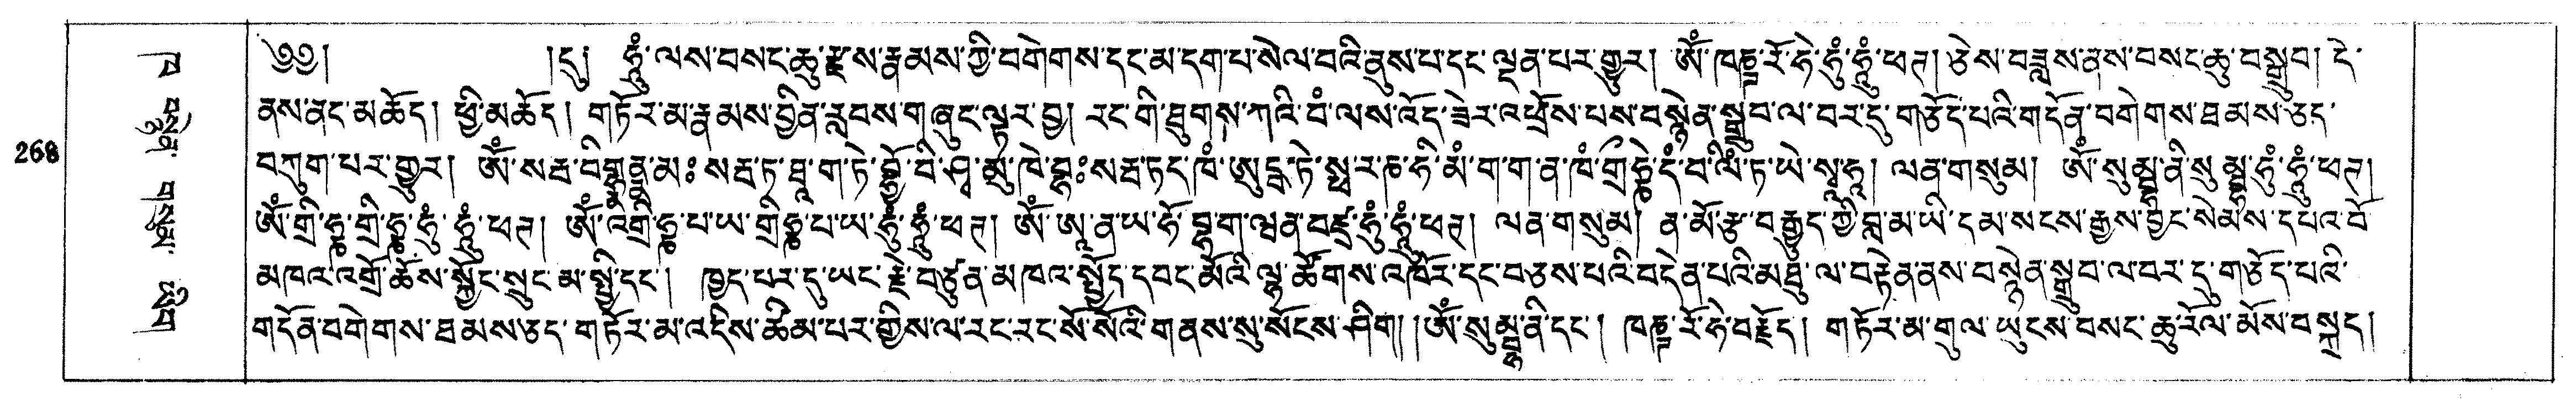༄༅། །དུ༑ ཧཱུཾ་ལས་བསང་ཆུ་རྫས་རྣམས་ཀྱི་བགེགས་དང་མ་དག་པ་སེལ་བའི་ནུས་པ་དང་ལྡན་པར་གྱུར། ཨོཾ་ཁཎྜ་རོ་ཧེ་ཧུཾ་ཧཱུཾ་ཕཊ། ཅེས་བཟླས་ནས་བསང་ཆུ་བསྒྲུབ། དེ་
ནས་ནང་མཆོད། ཕྱི་མཆོད། གཏོར་མ་རྣམས་བྱིན་རླབས་གཞུང་ལྟར་བྱ། རང་གི་ཐུགས་ཀའི་བཾ་ལས་འོད་ཟེར་འཕྲོས་པས་བསྙེན་སྒྲུབ་ལ་བར་དུ་གཅོད་པའི་གདོན་བགེགས་ཐམས་ཅད་
བཀུག་པར་གྱུར། ཨོཾ་སརྦ་བིགྷྣན་ན་མཿ སརྦ་ཏ་ཐཱ་ག་ཏེ་བྷྱོ་བི་ཤྭ་མུ་ཁེ་བྷྱཿ སརྦ་ཏང་ཁཾ་ཨུདག་ཏེ་སྥ་ར་ཎ་ཧི་མཾ་ག་ག་ན་ཁཾ་གྲྀཧྞེ་དཾ་བི་ལཾ་ཏ་ཡེ་སྭཱ་ཧཱ། ལན་གསུམ། ཨོཾ་སུ་མྦྷ་ནི་སུ་མྦྷ་ཧུཾ་ཧཱུཾ་ཕཊ།
ཨོཾ་གྲིཧྞ་གྲིཧྞ་ཧུཾ་ཧཱུཾ་ཕཊ། ཨོཾ་འགྲིཧྞཱ་པ་ཡ་གྲིཧྞཱ་པ་ཡ་ཧུཾ་ཧཱུཾ་ཕཊ། ཨོཾ་ཨཱ་ན་ཡ་ཧོ་བྷ་ག་ཝ་ན་བཛྲ་ཧུཾ་ཧཱུཾ་ཕཊ། ལན་གསུམ། ན་མོ་རྩ་བརྒྱུད་ཀྱི་བླ་མ་ཡི་དམ་སངས་རྒྱས་བྱང་སེམས་དཔའ་བོ་
མཁའ་འགྲོ་ཆོས་སྐྱོང་སྲུང་མ་སྤྱི་དང་། ཁྱད་པར་དུ་ཡང་རྗེ་བཙུན་མཁའ་སྤྱོད་དབང་མོའི་ལྷ་ཚོགས་འཁོར་དང་བཅས་པའི་བདེན་པའི་མཐུ་ལ་བརྟེན་ནས་བསྙེན་སྒྲུབ་ལ་བར་དུ་གཅོད་པའི་
གདོན་བགེགས་ཐམས་ཅད་གཏོར་མ་འདིས་ཚིམ་པར་གྱིས་ལ་རང་རང་སོ་སོའི་གནས་སུ་སངས་ཤིག །ཨོཾ་སུམྦྷ་ནི་དང་། ཁཎྜ་རོ་ཧེ་བརྗོད། གཏོར་མ་གུལ་ཡུངས་བསང་ཆུ་རོལ་མོས་བསྐྲད།